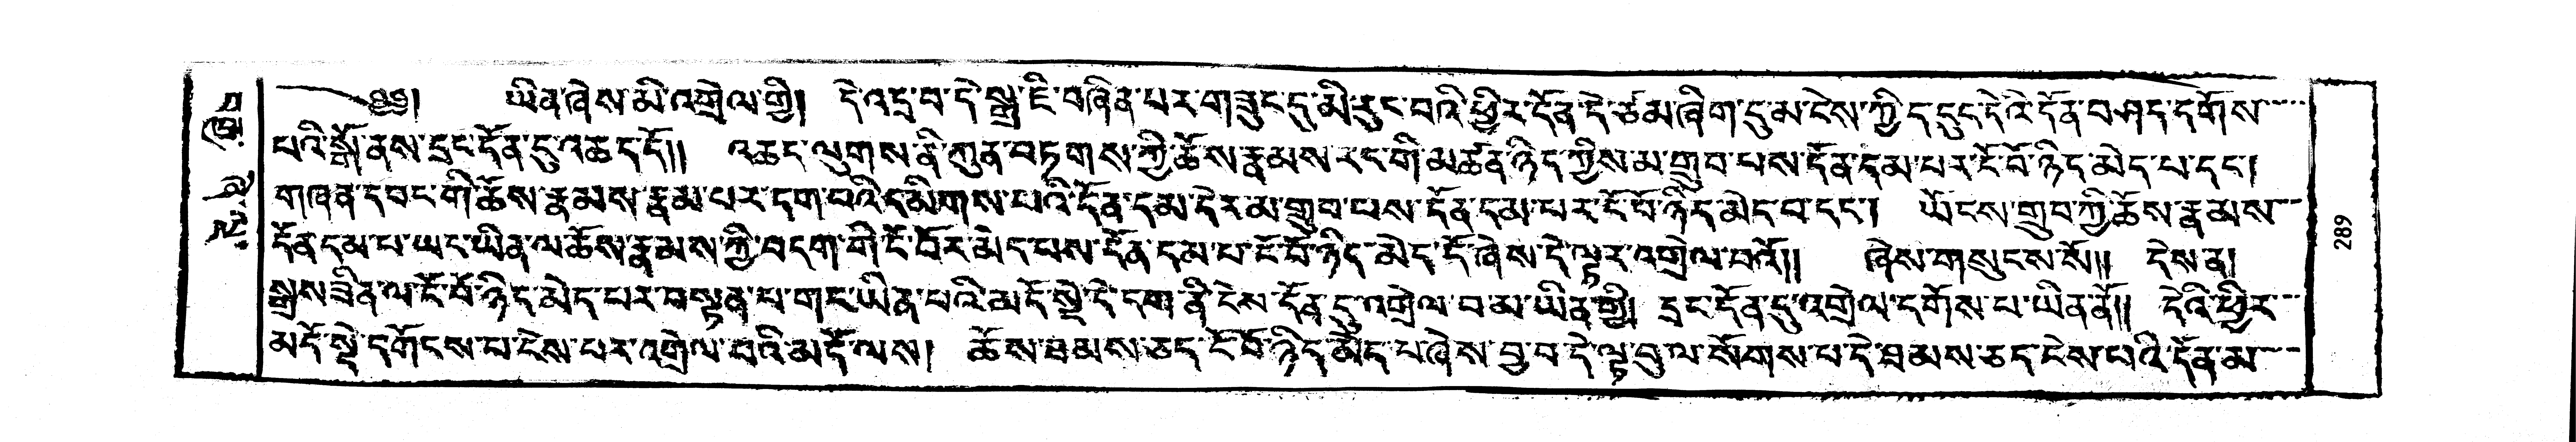༄༅། །ཡིན་ཞེས་མི་འགྲེལ་གྱི། དེ་འདྲ་བ་དེ་སྒྲ་ཇི་བཞིན་པར་གཟུང་དུ་མི་རུང་བའི་ཕྱིར་དོན་དེ་ཙམ་ཞིག་དུ་མ་ངེས་ཀྱིད་དུས་དེའི་དོན་བཤད་དགོས་
པའི་སྒོ་ནས་དྲང་དོན་དུ་འཆད་དོ། །འཆད་ལུགས་ནི་ཀུན་བཏགས་ཀྱི་ཆོས་རྣམས་རང་གི་མཚན་ཉིད་ཀྱིས་མ་གྲུབ་པས་དོན་དམ་པར་ངོ་བོ་ཉིད་མེད་པ་དང་།
གཞན་དབང་གི་ཆོས་རྣམས་རྣམ་པར་དག་པའི་དམིགས་པའི་དོན་དམ་དེར་མ་གྲུབ་པས་དོན་དམ་པར་ངོ་བོ་ཉིད་མེད་པ་དང་། ཡོངས་གྲུབ་ཀྱི་ཆོས་རྣམས་
དོན་དམ་པ་ཡང་ཡིན་ལ་ཆོས་རྣམས་ཀྱི་བདག་གི་ངོ་བོར་མེད་པས་དོན་དམ་པ་ངོ་བོ་ཉིད་མེད་དོ་ཞེས་དེ་ལྟར་འགྲེལ་བའོ། །ཞེས་གསུངས་སོ། །དེས་ན།
སྒྲས་ཟིན་ལ་ངོ་བོ་ཉིད་མེད་པར་བསྟན་པ་གང་ཡིན་པའི་མདོ་སྡེ་དེ་དག་ནི་ངེས་དོན་དུ་འགྲེལ་བ་མ་ཡིན་གྱི། དྲང་དོན་དུ་འགྲེལ་དགོས་པ་ཡིན་ནོ། །དེའི་ཕྱིར་
མདོ་སྡེ་དགོངས་པ་ངེས་པར་འགྲེལ་བའི་མདོ་ལས། ཆོས་ཐམས་ཅད་ངོ་བོ་ཉིད་མེད་པ་ཞེས་བྱ་བ་དེ་ལྟ་བུ་ལ་སོགས་པ་དེ་ཐམས་ཅད་ངེས་པའི་དོན་མ་